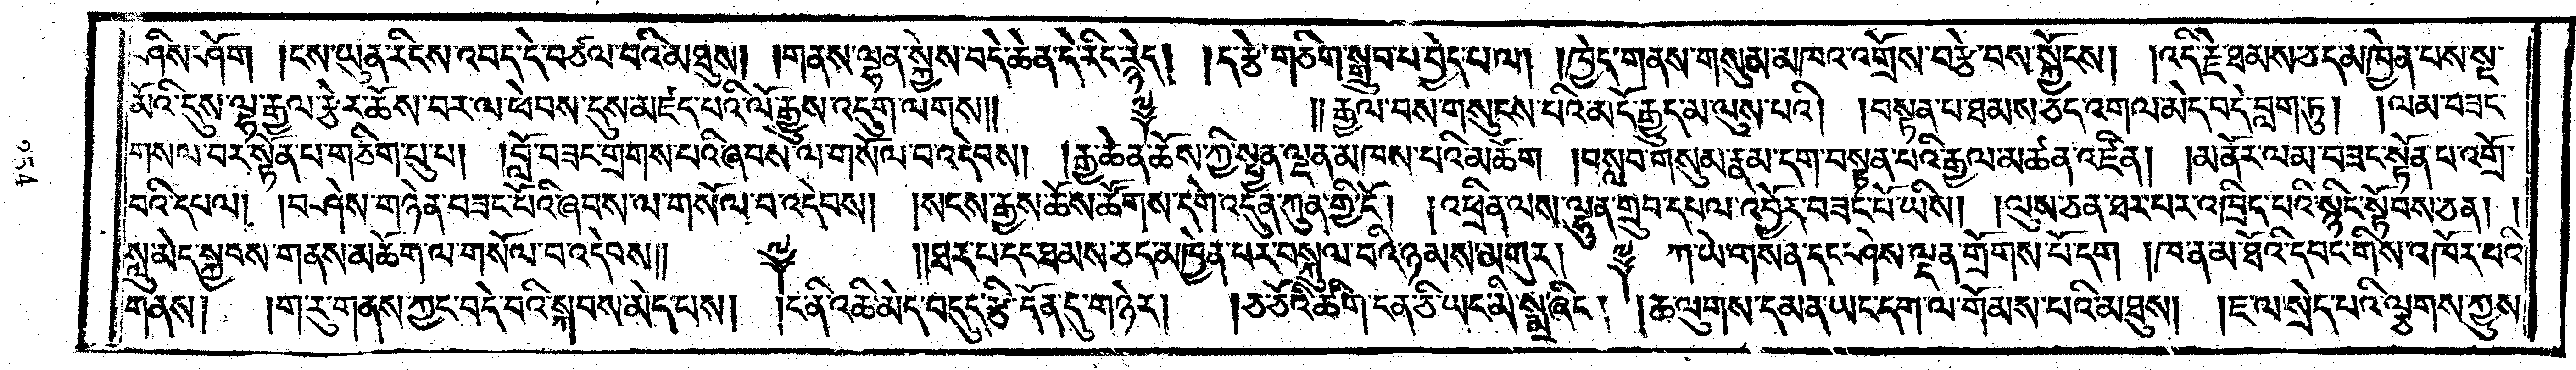ཤིས་ཤོག །ངས་ཡུན་རིངས་འབད་དེ་བཙལ་བའི་མཐུས། །གནས་ལྷན་སྐྱེས་བདེ་ཆེན་དེ་རིང་རྙེད། །ད་རྩེ་གཅིག་སྒྲུབ་པ་བྱེད་པ་ལ། །ཁྱེད་གནས་གསུམ་མཁའ་འགྲོས་བརྩེ་བས་སྐྱོངས། །འདི་རྗེ་ཐམས་ཅད་མཁྱེན་པས་སྔ་
མོའི་དུས་ལྷ་རྒྱལ་རྩེར་ཆོས་བར་ལ་ཕེབས་དུས་མཛད་པའི་ལོ་རྒྱུས་འདུག་ལགས།། ༈ །།རྒྱལ་བས་གསུངས་པའི་མདོ་རྒྱུད་མ་ལུས་པའི། །བསྟན་པ་ཐམས་ཅད་འགལ་མེད་བདེ་བླག་ཏུ། །ལམ་བཟང་
གསལ་བར་སྟོན་པ་གཅིག་པུ་པ། །བློ་བཟང་གྲགས་པའི་ཞབས་ལ་གསོལ་བ་འདེབས། །རྒྱ་ཆེན་ཆོས་ཀྱི་སྤྱན་ལྡན་མཁས་པའི་མཆོག །བསླབ་གསུམ་རྣམ་དག་བསྟན་པའི་རྒྱལ་མཚན་འཛིན། །མནོར་ལམ་བཟང་སྟོན་པ་འགྲོ་
བའི་དཔལ། །བཤེས་གཉེན་བཟང་པོའི་ཞབས་ལ་གསོལ་བ་འདེབས། །སངས་རྒྱས་ཆོས་ཚོགས་དགེ་འདུན་ཀུན་གྱི་དོ། །འཕྲིན་ལས་ལྷུན་གྲུབ་དཔལ་འབྱོར་བཟང་པོ་ཡིས། །ལུས་ཅན་ཐར་པར་འཁྲིད་པའི་སྙིང་སྟོབས་ཅན། །
སླུ་མེད་སྐྱབས་གནས་མཆོག་ལ་གསོལ་བ་འདེབས།། ༈ །།ཐར་པ་དང་ཐམས་ཅད་མཁྱེན་པར་བསྐུལ་བའི་ཉམས་མགུར། ༈ ཀ་ཡེ་གསན་དང་ཤེས་ལྡན་གྲོགས་པོ་དག །ཁ་ན་མ་ཐོའི་དབང་གིས་འཁོར་བའི་
གནས། །ག་རུ་གནས་ཀྱང་བདེ་བའི་སྐབས་མེད་པས། །ང་ནི་འཆི་མེད་བདུད་རྩི་དོན་དུ་གཉེར། །ཅ་ཅོའི་ཚིག་ངན་ཅི་ཡང་མི་སྨྲ་ཞིང་། །ཆ་ལུགས་དམན་ཡང་དག་ལ་གོམས་པའི་མཐུས། །ཇ་ལ་སྲེད་པའི་ལྕགས་ཀྱུས་